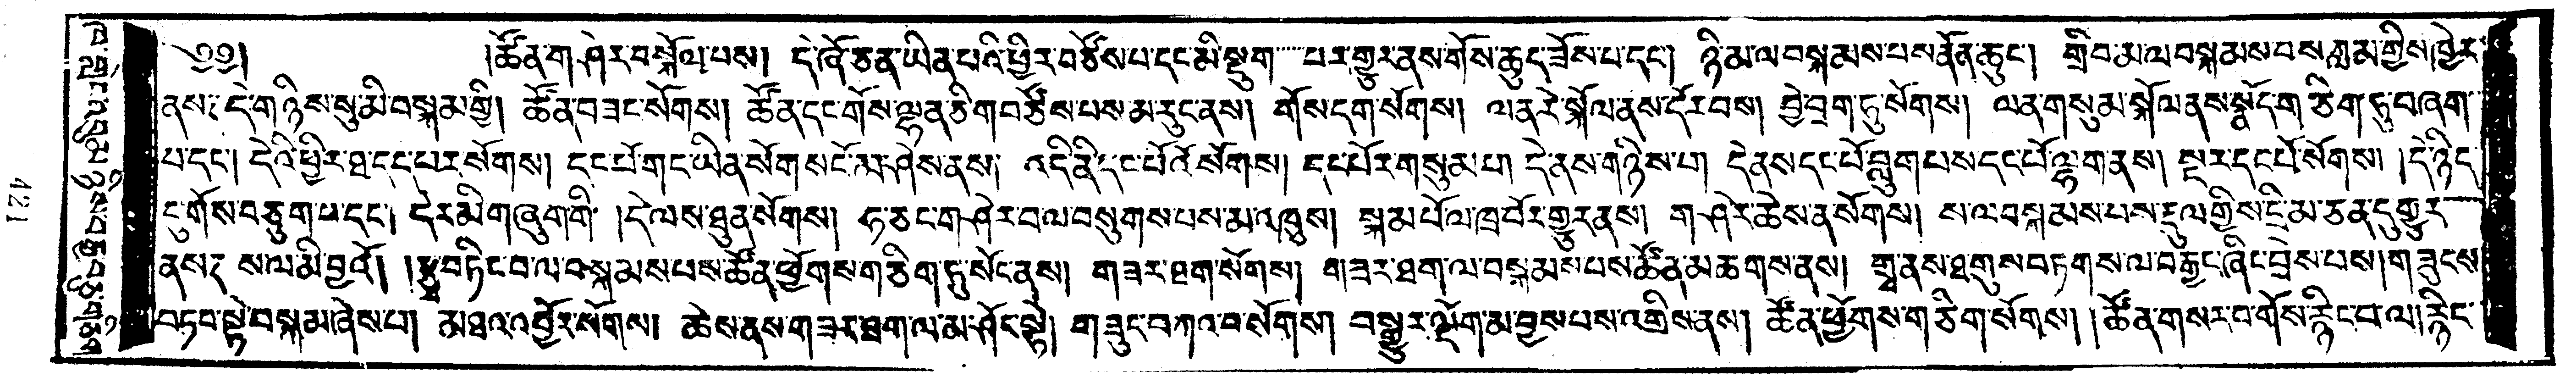༄༅། །ཚོན་གཤེར་བསྐོལ་པས། དེ་ཞོ་ཅན་ཡིན་པའི་ཕྱིར་བཙོས་པ་དང་མི་སྡུག་པར་གྱུར་ནས་གོས་ཆུད་ཟོས་པ་དང་། ཉི་མ་ལ་བསྐམས་པས་ནོན་ཆུང་། གྲིབ་མ་ལ་བསྐམས་བས་ཀླམ་གྱིས་ཁྱེར་
ནས༑ དེ་གཉིས་སུ་མི་བསྐམ་གྱི། ཚོན་བཟང་སོགས། ཚོན་དང་གོས་ལྷན་ཅིག་བཙོས་པས་མ་རུང་ནས། གོས་དག་སོགས། ལན་རེ་སྐོལ་ནས་དོར་བས། བྱེ་བྲག་ཏུ་སོགས། ལན་གསུམ་སྐོལ་ནས་སྣོད་གཅིག་ཏུ་བཞག་
པ་དང་། དེའི་ཕྱིར་ཐ་དད་པར་སོགས། དང་པོ་གང་ཡིན་སོགས་ངོ་མ་ཤེས་ནས། འདི་ནི་དང་པོའོ་སོགས། དང་པོར་གསུམ་པ། དེ་ནས་གཉིས་པ། དེ་ནས་དང་པོ་བླུག་པས་དང་པོ་ལྷག་ནས། སྔར་དང་པོ་སོགས། །དེ་ཉིད་
དུ་གོས་བཅུག་པ་དང་། དེར་མི་གཞུག་གི །དེ་ལས་ཐུན་སོགས། ཧ་ཅང་གཤེར་བ་ལ་བསུགས་པས་མ་འཁུས། སྐམ་པོ་ལ་ཁྲ་བོར་གྱུར་ནས། གཤེར་ཆེས་ན་སོགས། ས་ལ་བསྐམས་པས་རྡུལ་གྱིས་དྲི་མ་ཅན་དུ་གྱུར་
ནས༑ ས་ལ་མི་བྱའོ། །རྩྭ་བཏིང་བ་ལ་བསྐམས་པས་ཚོན་ཕྱོགས་གཅིག་ཏུ་སོང་ནས། གཟར་ཐག་སོགས། གཟར་ཐག་ལ་བསྐམས་པས་ཚོན་མཆགས་ནས། གྲྭ་ནས་ཐ་གུས་བཏགས་ལ་བརྒྱང་ཞིང་བྲེས་པས། གཟུངས་
བཏབ་སྟེ་བསྐམ་ཞེས་པ། མཐའ་འབྱོར་སོགས། ཆེས་ནས་གཟར་ཐག་ལ་མ་ཤོང་སྟེ། གཟུང་བཀའ་བ་སོགས། བསྒྱུར་ལྡོག་མ་བྱས་པས་འགྲིས་ནས། ཚོན་ཕྱོགས་གཅིག་སོགས། །ཚོན་གསར་བ་གོས་རྙིང་བ་ལ། རྙིང་